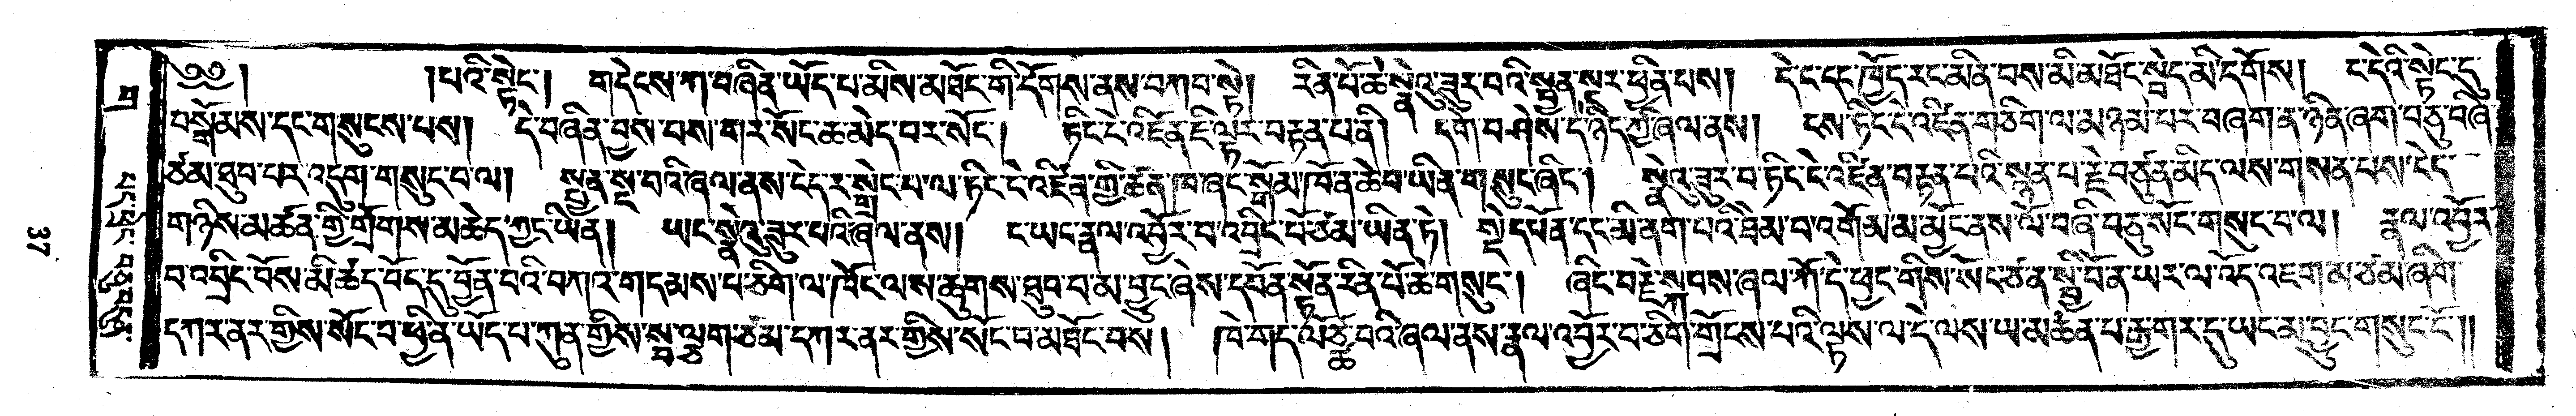༄༅། །པའི་སྟེང་། གདེངས་ཀ་བཞིན་ཡོད་པ་མིས་མཐོང་གི་དོགས་ནས་བཀབ་སྟེ། རིན་པོ་ཆེ་སྣེའུ་ཟུར་བའི་སྤྱན་སྔར་ཕྱིན་པས། དེ་ང་དང་ཁྱོད་རང་མིན་བས་མི་མཐོང་སྦེད་མི་དགོས། ང་དེའི་སྟེང་དུ་
བསྒོམས་དང་གསུངས་པས། དེ་བཞིན་བྱས་པས་གར་སོང་ཆ་མེད་པར་སོང་། ཏིང་ངེ་འཛིན་ཇི་ལྟར་བརྟན་པ་ནི། དགེ་བཤེས་དེ་ཉིད་ཀྱི་ཞལ་ནས། ངས་ཏིང་ངེ་འཛིན་གཅིག་ལ་མཉམ་པར་བཞག་ན་ཉིན་ཞག་བཅུ་བཞི་
ཙམ་ཐུབ་པར་འདུག་གསུངས་པ་ལ། སྤྱན་སྔ་བའི་ཞལ་ནས་ངེད་ར་སྒྲེང་པ་ལ་ཏིང་ངེ་འཛིན་གྱི་ཚན་ཁ་ཞང་སྒོམ་ཁོ་ན་ཆེ་བ་ཡིན་གསུང་ཞིང་། སྣེའུ་ཟུར་བ་ཏིང་ངེ་འཛིན་བརྟན་པའི་སྙན་པ་རྗེ་བཙུན་མིད་ལས་གསན་པས་ངེད་
གཉིས་མཚན་གྱི་གྲོགས་མཆེད་ཀྱང་ཡིན། ཡང་སྣེའུ་ཟུར་པའི་ཞལ་ནས། ང་ཡང་རྣལ་འབྱོར་བ་འབྲིང་པོ་ཙམ་ཡིན་ཏེ། སྡེ་དཔོན་དང་མི་ནག་པའི་ཐེམ་བ་འགོམ་མ་མྱོང་ནས་ལོ་བཞི་བཅུ་སོང་གསུང་བ་ལ། རྣལ་འབྱོར་
བ་འབྲིང་བོས་མི་ཚད་བོད་དུ་བྱོན་པའི་བཀའ་གདམས་པ་ཅིག་ལ་ཁོང་ལས་ཆུགས་ཐུབ་པ་མ་བྱུང་ཞེས་དཔོན་སྟོན་རིན་པོ་ཆེ་གསུང་། ཞིང་བརྗེ་སྐབས་ཞལ་ཀོ་དེ་ཕྱང་གིས་སོང་ཙ་ན་སྤྱི་བོ་ན་ཡར་ལ་འོད་འཇག་མ་ཙམ་ཞིག་
དཀར་ནར་གྱིས་སོང་བ་ཕྱི་ན་ཡོད་པ་ཀུན་གྱིས་སྦ་ལྕག་ཙམ་དཀར་ནར་གྱིས་སོང་བ་མཐོང་བས། ཁེ་གད་ལོཙྪ་བའི་ཞལ་ནས་རྣལ་འབྱོར་བ་ཅིག་གྲོངས་པའི་ལྟས་ལ་དེ་ལས་ཡ་མཚན་པ་རྒྱ་གར་དུ་ཡང་མ་བྱུང་གསུངས་ངོ།།